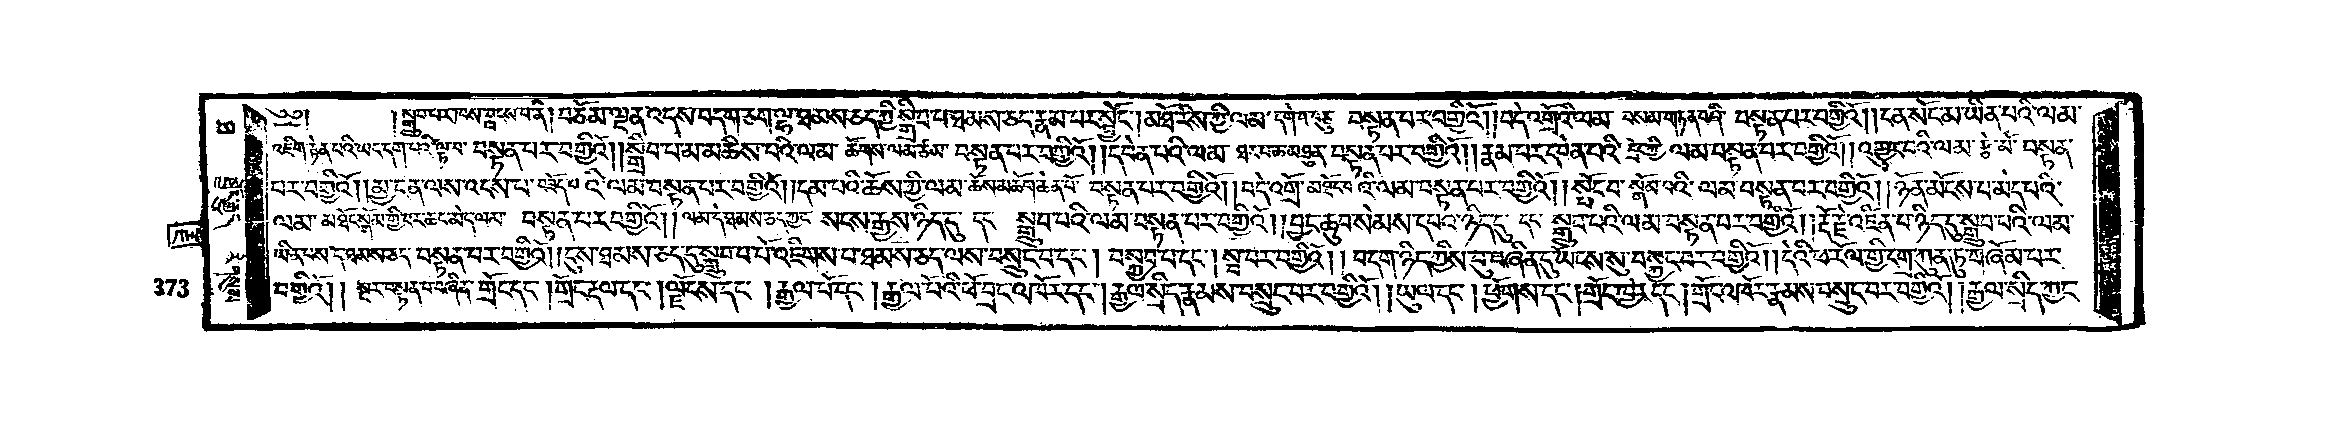༄༅། ། སྒྲུབ་པར་ཁས་བླངས་པ་ནི། བཅོམ་ལྡན་འདས་བདག་ཅག་ལྷ་ཐམས་ཅད་ཀྱི་སྒྲིབ་པ་ཐམས་ཅད་རྣམ་པར་སྦྱོང་། མཐོ་རིས་ཀྱི་ལམ་དགེ་བ་བཅུ་བསྟན་པར་བགྱིའོ། །བདེ་འགྲོའི་ལམ་བསམ་གཏན་བཞི་བསྟན་པར་བགྱིའོ། །ངན་སོང་མ་ཡིན་པའི་ལམ་
འཇིག་རྟེན་པའི་ཡང་དག་པའི་ལྟ་བ་བསྟན་པར་བགྱིའོ། །སྒྲིབ་པ་མ་མཆིས་པའི་ལམ་ཚོགས་ལམ་ཙམ་བསྟན་པར་བགྱིའོ། །དབེན་པའི་ལམ་ཐར་པ་ཆ་མཐུན་བསྟན་པར་བགྱིའོ། །རྣམ་པར་དབེན་པའི་དྲེད་ཀྱི་ལམ་བསྟན་པར་བགྱིའོ། །འབྱུང་བའི་ལམ་རྩེ་མོ་བསྟན་
པར་བགྱིའོ། །མྱ་ངན་ལས་འདས་པ་བཟོད་པའི་ལམ་བསྟན་པར་བགྱིའོ། །དམ་པའི་ཆོས་ཀྱི་ལམ་ཆོས་མཆོག་ཆེན་པོ་བསྟན་པར་བགྱིའོ། །བདེ་འགྲོ་མཐོང་བའི་ལམ་བསྟན་པར་བགྱིའོ། །སྤོང་བ་སྒོམ་པའི་ལམ་བསྟན་པར་བགྱིའོ། །ཉོན་མོངས་པ་མེད་པའི་
ལམ་མཐོང་སྒོམ་གྱི་བར་ཆད་མེད་ལམ་བསྟན་པར་བགྱིའོ། ། ལམ་དེ་ཐམས་ཅད་ཀྱང་སངས་རྒྱས་ཉིད་དུ་དང་སྒྲུབ་པའི་ལམ་བསྟན་པར་བགྱིའོ། །བྱང་ཆུབ་སེམས་དཔའ་ཉིད་དུ་དང་སྒྲུབ་པའི་ལམ་བསྟན་པར་བགྱིའོ། །རྡོ་རྗེ་འཛིན་པ་ཉིད་དུ་སྒྲུབ་པའི་ལམ་
ཡིན་པས་དེ་ཐམས་ཅད་བསྟན་པར་བགྱིའོ། །དུས་ཐམས་ཅད་དུ་སྒྲུབ་པ་པོ་འཇིགས་པ་ཐམས་ལས་བསྲུང་བ་དང་། བསྐྱབ་པ་དང་། སྦ་བར་བགྱིའོ། །བདག་ཉིད་ཀྱིས་བུ་བཞིན་དུ་ཡོངས་སུ་བསྐྱང་བར་བགྱིའོ། །དེའི་ཕ་རོལ་གྱི་ངག་ཀུན་ཏུ་གཞོམ་པར་
བགྱིའོ། ། སྔར་བསྟན་པ་བཞིན་གྲོང་དང་། གྲོང་རྡལ་དང་། ལྗོངས་དང་། རྒྱལ་པོ་དང་། རྒྱལ་པོའི་ཕོ་བྲང་འཁོར་དང་། རྒྱལ་སྲིད་རྣམས་བསྲུང་བར་བགྱིའོ། །ཡུལ་དང་། ཕྱོགས་དང་། གྲོང་ཁྱེར་དང་། གྲོང་འཁོར་རྣམས་བསྲུང་བར་བགྱིའོ། །རྒྱལ་སྲིད་ཀྱང་